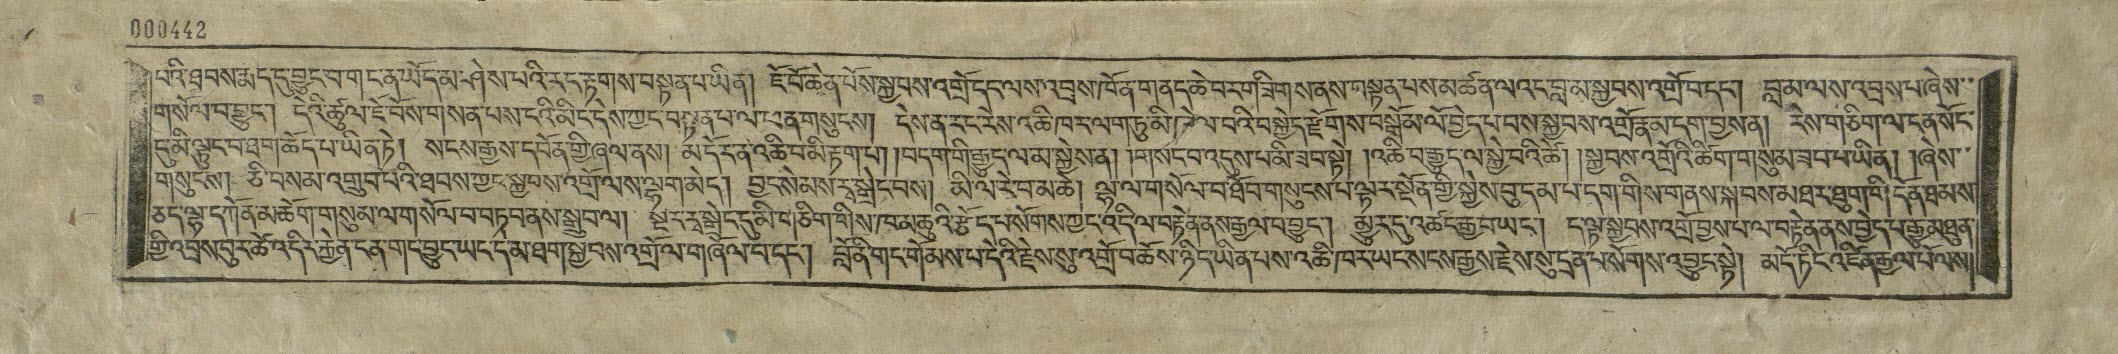པའི་ཐབས་རྨད་དུ་བྱུང་བ་གང་ན་ཡོད་མ་ཤེས་པའི་རང་རྟགས་བསྟན་པ་ཡིན། ཇོ་བོ་ཆེན་པོས་སྐྱབས་འགྲོ་དང་ལས་འབྲས་ཁོ་ན་གནད་ཆེ་བར་གཟིགས་ནས་བསྟན་པས་མཚན་ལའང་བླ་མ་སྐྱབས་འགྲོ་བ་དང་། བླ་མ་ལས་འབྲས་པ་ཞེས་
གསོལ་བ་བྱུང་། དེའི་ཚུལ་ཇོ་བོས་གསན་པས་ངའི་མིང་དེས་ཀྱང་བསྟན་པ་ལ་ཕན་གསུངས། དེས་ན་རང་རེས་འཆི་ཁར་ལག་ཏུ་མི་ཁེལ་བའི་བསྐྱེད་རྫོགས་བསྒོམ་ལོ་བྱེད་པ་བས་སྐྱབས་འགྲོ་རྣམ་དག་བྱས་ན། རེས་གཅིག་ལ་ངན་སོང་
དུ་མི་ལྟུང་བ་ཐག་ཆོད་པ་ཡིན་ཏེ། སངས་རྒྱས་དབོན་གྱི་ཞལ་ནས། མདོར་ན་འཆི་བ་མི་རྟག་པ། །བདག་གི་རྒྱུད་ལ་མ་སྐྱེས་ན། །གསང་བ་འདུས་པ་མི་ཟབ་སྟེ། །འཆི་བ་རྒྱུད་ལ་སྐྱེ་བའི་ཚེ། །སྐྱབས་འགྲོའི་ཚིག་གསུམ་ཟབ་པ་ཡིན། །ཞེས་
གསུངས། ཅི་བསམ་འགྲུབ་པའི་ཐབས་ཀྱང་སྐྱབས་འགྲོ་ལས་ལྷག་མེད། བྱང་སེམས་རྭ་སྒྲེང་བས། མི་ལ་རེ་བ་མ་ཆེ། ལྷ་ལ་གསོལ་བ་ཐོབ་གསུངས་པ་ལྟར་སྔོན་གྱི་སྐྱེས་བུ་དམ་པ་དག་གིས་གནས་སྐབས་མཐར་ཐུག་གི་དོན་ཐམས་
ཅད་ལྷ་དཀོན་མཆོག་གསུམ་ལ་གསོལ་བ་བཏབ་ནས་སྒྲུབ་ལ། སྔར་རྭ་སྒྲེང་དུ་མི་གཅིག་གིས་ཁ་མཆུའི་རྩོད་པ་སོགས་ཀྱང་འདི་ལ་བརྟེན་ནས་རྒྱལ་བ་བྱུང་། མྱུར་དུ་འཚང་རྒྱ་བ་ཡང་། ད་ལྟ་སྐྱབས་འགྲོ་བྱས་པ་ལ་བརྟེན་ནས་བྱེད་པ་རྒྱུ་མཐུན་
གྱི་འབྲས་བུར་ཚེ་འདིར་རྐྱེན་ངན་གང་བྱུང་ཡང་དེ་མ་ཐག་སྐྱབས་འགྲོ་ལ་གཞོལ་བ་དང་། བློ་ནི་གང་གོམས་པ་དེའི་རྗེས་སུ་འགྲོ་བ་ཆོས་ཉིད་ཡིན་པས་འཆི་ཁར་ཡང་སངས་རྒྱས་རྗེས་སུ་དྲན་པ་སོགས་འབྱུང་སྟེ། མདོ་ཏིང་འཛིན་རྒྱལ་པོ་ལས་